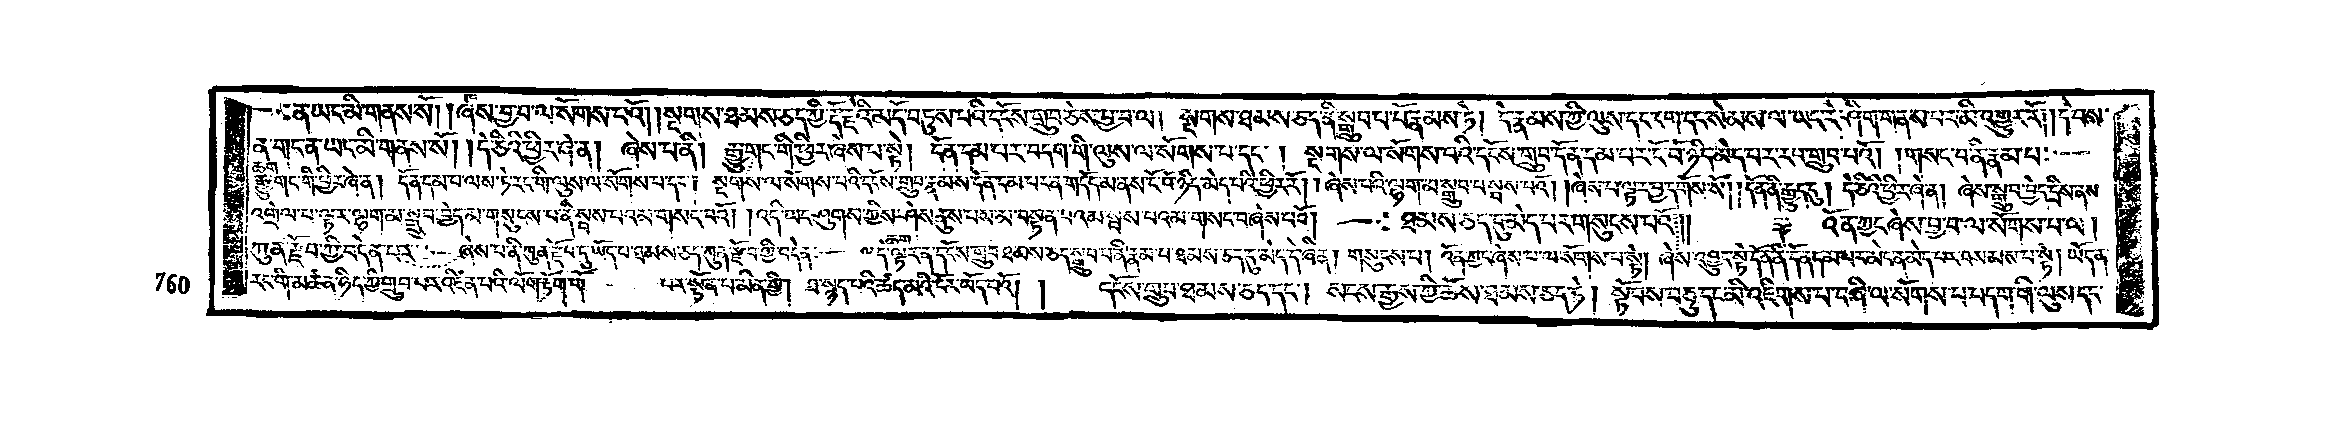.H ན་ཡང་མི་གནས་སོ། །ཁ྄་ཞེས་བྱ་བ་ལ་སོགས་པའོ། །སྔགས་ཐམས་ཅད་ཀྱི་རྡོ་རྗེའི་མདོ་བཏུས་པའི་དངོས་གྲུབ་ཅེས་བྱ་བ་ལ། སྔགས་ཐམས་ཅད་ནི་སྒྲུབ་པ་པོ་རྣམས་ཏེ། དེ་རྣམས་ཀྱི་ལུས་དང་ངག་དང་སེམས་ལ་ཡང་རེ་ཤིག་གནས་པར་མི་འགྱུར་རོ། །དེ་བས་
ན་གང་ན་ཡང་མི་གནས་སོ། །དེ་ཅིའི་ཕྱིར་ཞེ་ན། ཞས་པ་ནི། རྒྱུ་གང་གི་ཕྱིར་ཞེས་པ་སྟེ། དོན་དམ་པར་བདག་གི་ལུས་ལ་སོགས་པ་དང་། སྔགས་ལ་སོགས་པའི་དངོས་གྲུབ་དོན་དམ་པར་ངོ་བོ་ཉིད་མེད་པར་རབ་གྲུབ་པའོ། །གསང་བ་ནི་རྣམ་པ་H.
ཆག་རྒྱུ་གང་གི་ཕྱིར་ཞེ་ན། དོན་དམ་པ་ལས་ཏེ་རང་གི་ལུས་ལ་སོགས་པ་དང་། སྔགས་ལ་སོགས་པའི་དངོས་གྲུབ་རྣམས་དོན་དམ་པར་ན་གདོད་མ་ནས་ངོ་བོ་ཉིད་མེད་པའི་ཕྱིར་རོ། །ཞེས་པའི་ལྷག་མ་སྒྲུབ་པ་སྦས་པའོ། །ཞེས་པ་ལྟར་བྱ་དགོས་སོ། །དོན་ནི་རྒྱུད་དུ། དེ་ཅིའི་ཕྱིར་ཞེ་ན། ཞེས་སྒྲུབ་བྱེད་དྲིས་ནས་
འགྲེལ་པ་ལྟར་ལྷག་མ་སྒྲུབ་བྱེད་མ་གསུངས་པ་ནི་སྦས་པའམ་གསང་བའོ། །འདི་ཡང་ཤུགས་ཀྱིས་ཤེས་ནུས་པས་མ་བསྟན་པའམ་སྦས་པའམ་གསང་བ་ཞེས་པའོ། .H ཐམས་ཅད་དུ་མེད་པར་གསུངས་པའོ།། ༈ འོན་ཀྱང་ཞེས་བྱ་བ་ལ་སོགས་པ་ལ།
ཀུན་རྫོབ་ཀྱི་བདེན་པར་H.་ཞེས་པ་ནི་ཀུན་རྫོབ་དུ་ཡོད་པ་ཐམས་ཅད་ཀུན་རྫོབ་ཀྱི་བདེན་H.་༧་ཆག་དེ་ལྟར་ན་དངོས་གྲུབ་ཐམས་ཅད་སྒྲུབ་པ་ནི་རྣམ་པ་ཐམས་ཅད་དུ་མེད་དེ་ཞེ་ན། གསུངས་པ། འོན་ཀྱང་ཞེས་པ་ལ་སོགས་པ་སྟེ། ཞེས་འབྱུང་སྟེ་དོན་ནི་དོན་དམ་པར་མངོན་མེད་པར་བསམས་པ་སྟེ། ཡོད་ན་
རང་གི་མཚན་ཉིད་ཀྱི་གྲུབ་པར་འཛིན་པའི་ལོག་རྟོག་གོ །.H པར་སྟོན་པ་མིན་གྱི། ཐ་སྙད་པའི་ཚད་མའི་ངོར་ཡོད་པའོ། ། དངོས་གྲུབ་ཐམས་ཅད་དང་། སངས་རྒྱས་ཀྱི་ཆོས་ཐམས་ཅད་ཏེ། སྟོབས་བཅུ་དང་མི་འཇིགས་པ་བཞི་ལ་སོགས་པ་བདག་གི་ལུས་དང་